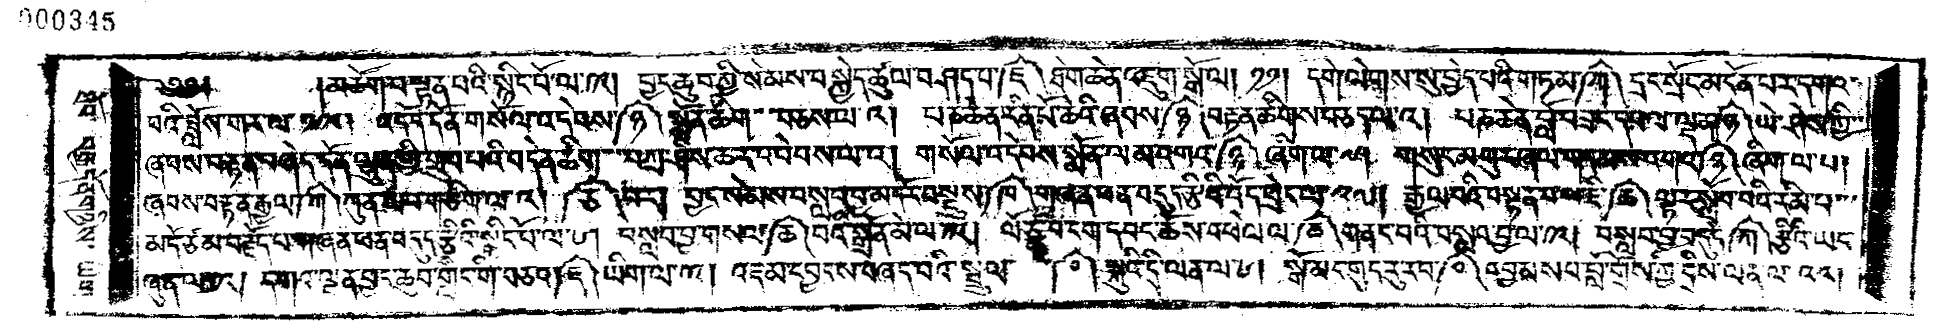༄༅། །མཆོག་བསྟན་པའི་སྙིང་པོ་ལ ༡༢། བྱང་ཆུབ་ཀྱི་སེམས་བསྐྱེད་ཚུལ་བཤད་པ ༼ཇ༽ ཐེག་ཆེན་འཇུག་སྒོ་ལ། ༡༡། དགེ་ལེགས་སུ་བྱེད་པའི་གཏམ ༼ཀ༽ དྲང་སྲོང་མངོན་པར་དགའ་
བའི་ཟློས་གར་ལ ༡༡༢། འདོད་དོན་གསོལ་འདེབས ༼ཉ༽ སྨོན་ཚིག་བཅས་ལ ༢། པཎ་ཆེན་རིན་པོ་ཆེའི་ཞབས ༼ཉ༽ བརྟན་ཚིགས་བཅད་ལ ༢། པཎ་ཆེན་བློ་བཟང་དཔལ་ལྡན ༼ཉ༽ ཡེ་ཤེས་ཀྱི་
ཞབས་བརྟན་བཞེད་དོན་ལྷུན་གྱི་གྲུབ་པའི་བདེན་ཚིག་བཀྲ་ཤིས་ཆར་འབེབས་ལ ༢། གསོལ་འདེབས་སྨོན་ལམ་འགའ ༼ཉ༽ ཞིག་ལ ༧། གསུང་མགུར་ཞལ་གདམས་འགའ ༼ཉ༽ ཞིག་ལ ༥།
ཞབས་བརྟན་རྒྱལ ༼ཀ༽ ཀུན་ཡབ་གཅིག་ལ ༢། ༼ཅ༽ བར། བྱང་སེམས་བསླབ་བྱ་མདོར་བསྡུས ༼ཁ༽ གཞན་ཕན་བདུད་རྩིའི་འོད་ཕྲེང་ལ ༢༧། རྒྱལ་བའི་བསྟན་པ་ལ་ཇི ༼ཆ༽ ལྟར་སློབ་བའི་རིམ་པ་
མདོ་ཙམ་བརྗོད་པ་གཞན་ཕན་བདུད་རྩིའི་སྙིང་པོ་ལ ༦། བསླབ་བྱ་གསལ ༼ཆ༽ བའི་སྒྲོན་མེ་ལ ༡༢། ལོཙྪཱ་བ་ངག་དབང་ཆོས་འཕེལ་ལ ༼ཆ༽ གནང་བའི་བསླབ་བྱ་ལ ༡༢། བསླབ་བྱ་བདུད ༼ཀ༽ རྩིའི་ཡང་
ཞུན་ལ ༡༢། དགའ་ལྡན་བྱང་ཆུབ་གླིང་གི་བཅའ ༼ཇ༽ ཡིག་ལ ༡༢། འཇམ་དབྱངས་བཞད་པའི་སྤྲུལ ༼༠༽ སྐུའི་དྲི་ལན་ལ ༦། སྒོ་མང་གུང་རུ་རབ ༼༠༽ འབྱམས་བ་བློ་གྲོས་ཀྱི་དྲིས་ལན་ལ ༢༢།